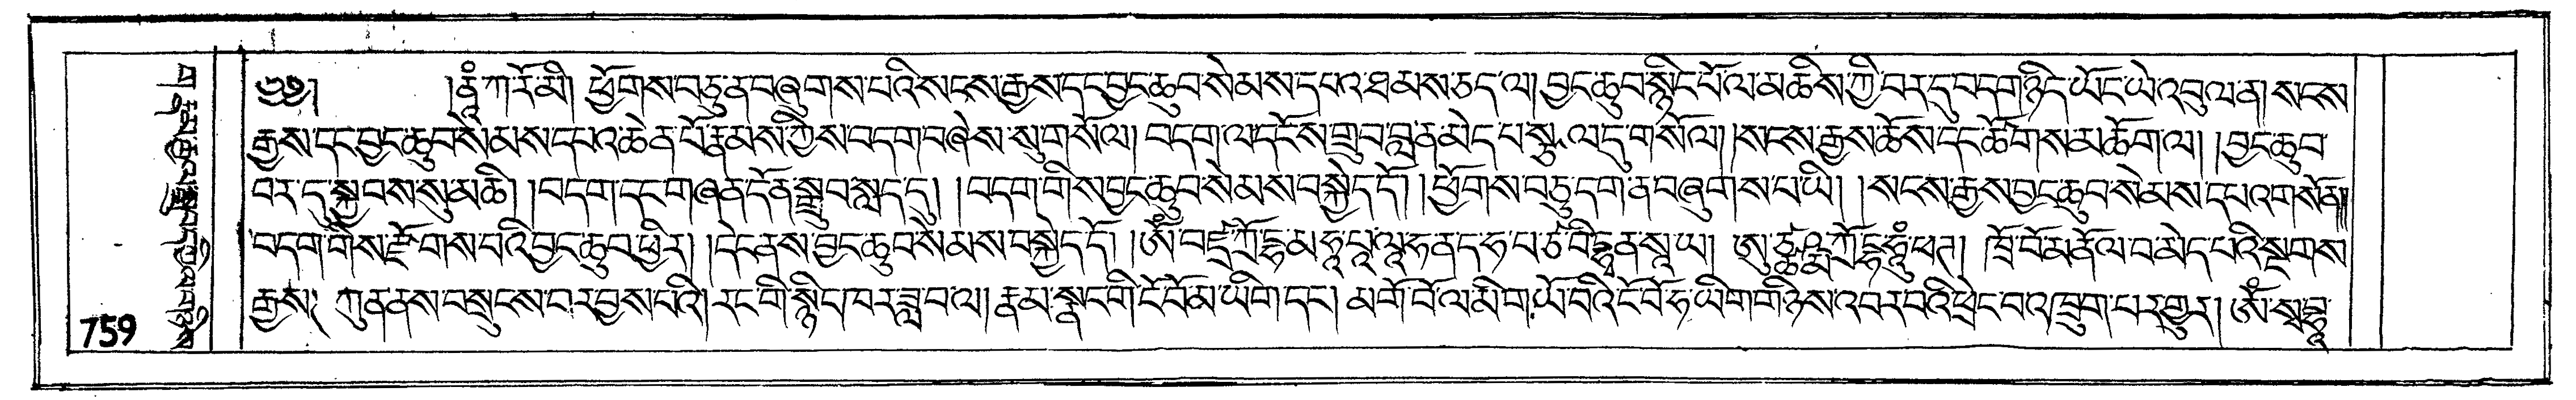༄༅། །ནཱཾ་ཀ་རོ་མི། ཕྱོགས་བཅུ་ན་བཞུགས་པའི་སངས་རྒྱས་དང་བྱང་ཆུབ་སེམས་དཔའ་ཐམས་ཅད་ལ། བྱང་ཆུབ་སྙིང་པོ་ལ་མཆིས་ཀྱི་བར་དུ་བདག་ཉིད་ཡོང་ཡེ་འབུལ་ན། སངས་
རྒྱས་དང་བྱང་ཆུབ་སེམས་དཔའ་ཆེན་པོ་རྣམས་ཀྱིས་བདག་བཞེས་སུ་གསོལ། བདག་ལ་དངོས་གྲུབ་བླ་ན་མེད་པ་སྩལ་དུ་གསོལ། །སངས་རྒྱས་ཆོས་དང་ཚོགས་མཆོག་ལ། །བྱང་ཆུབ་
བར་དུ་སྐྱབས་སུ་མཆི། །བདག་དང་གཞན་དོན་སྒྲུབ་སླད་དུ། །བདག་གིས་བྱང་ཆུབ་སེམས་བསྐྱེད་དོ། །ཕྱོགས་བཅུ་དག་ན་བཞུགས་པ་ཡི། །སངས་རྒྱས་བྱང་ཆུབ་སེམས་དཔའ་གསོན།།
བདག་གིས་རྫོགས་པའི་བྱང་ཆུབ་ཕྱིར། །དེང་ནས་བྱང་ཆུབ་སེམས་བསྐྱེད་དོ། །ཨོཾ་བཛྲ་ཀྲོ་དྷ་མཧཱ་པཱ་ལཱ་ཧ་ན་ད་ཧ་པ་ཙ་བི་དྷྭན་སཱ་ཡ། ཨུ་ཙྪཥྨ་ཀྲོ་དྷ་ཧཱུཾ་ཕཊ། ཁྲོ་བོ་མནོལ་བ་མེད་པའི་སྔགས་
རྒྱས། ཀུན་ནས་བསྲུངས་བར་བྱས་པའི། རང་གི་སྙིང་ཁར་ཟླ་བ་ལ། རྣམ་སྣང་གི་ངོ་བོ་མ་ཡིག་དང་། མགོ་བོ་ལ་མི་གཡོ་བའི་ངོ་བོ་ཧ་ཡིག་གཉིས་འབར་བའི་ཕྲེང་བ་འཁྲུག་པར་གྱུར། ཨོཾ་སྭཱ་བྷཱ་